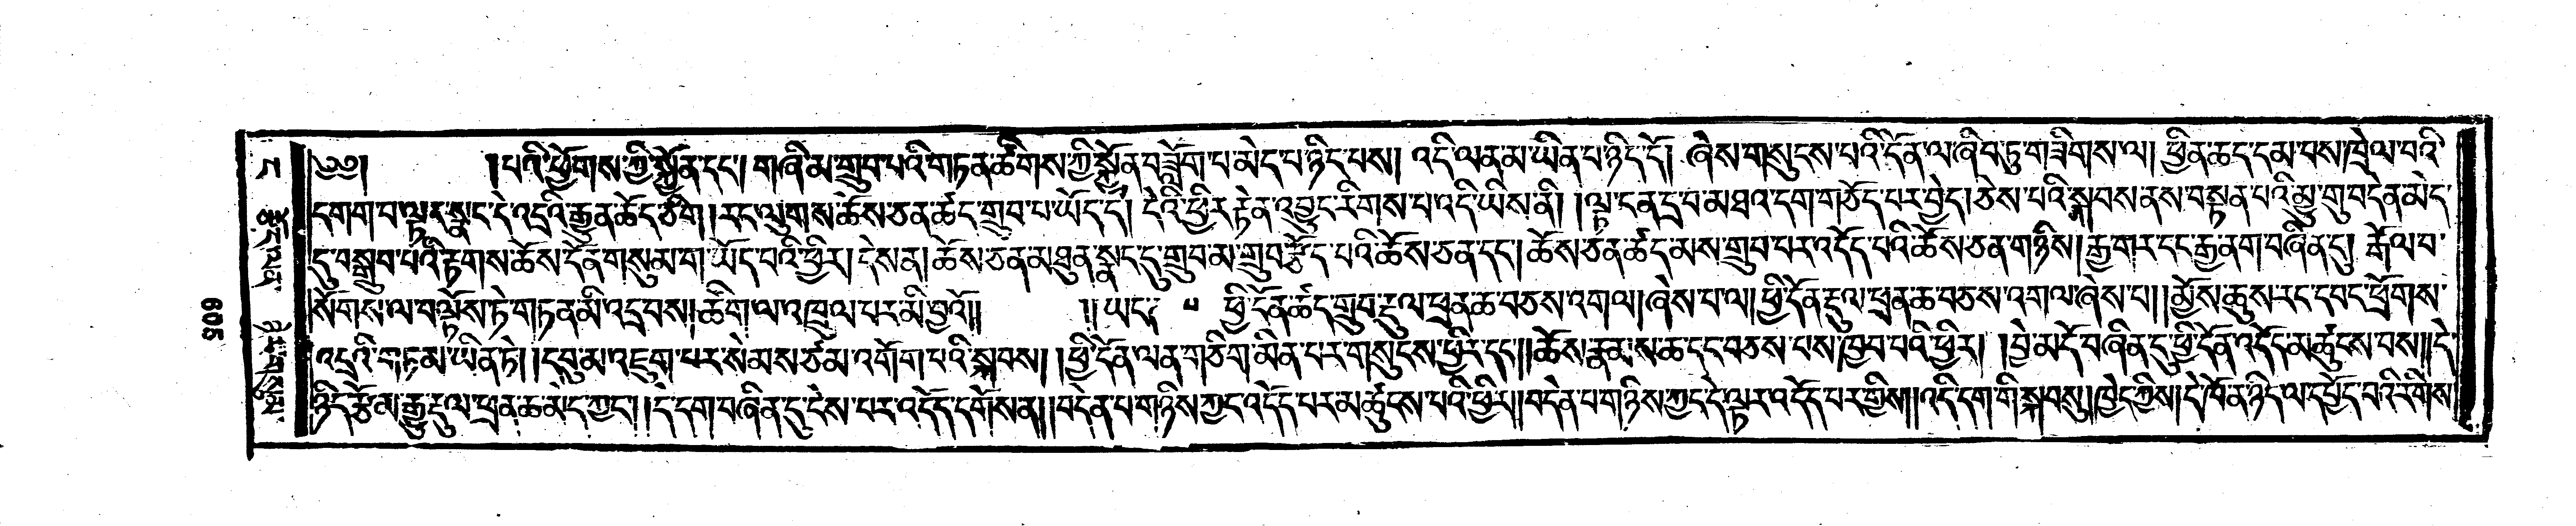༄༅། །པའི་ཕྱོགས་ཀྱི་སྐྱོན་དང་། གཞི་མ་གྲུབ་པའི་གཏན་ཚིགས་ཀྱི་སྐྱོན་བཟློག་པ་མེད་པ་ཉིད་པས། འདི་ལན་མ་ཡིན་པ་ཉིད་དོ། ཞེས་གསུངས་པའི་དོན་ལ་ཞིབ་ཏུ་གཟིགས་ལ། ཕྱིན་ཆད་དམ་པས་ཁྲེལ་བའི་
དགག་པ་ལྟར་སྣང་དེ་འདྲའི་རྒྱུན་ཆོད་ཅིག །རང་ལུགས་ཆོས་ཅན་ཚད་གྲུབ་པ་ཡོད་དེ། དེའི་ཕྱིར་རྟེན་འབྱུང་རིགས་པ་འདི་ཡིས་ནི། །ལྟ་ངན་དྲ་བ་མཐའ་དག་གཅོད་པར་བྱེད། ཅེས་པའི་སྐབས་ནས་བསྟན་པའི་མྱུ་གུ་བདེན་མེད་
དུ་བསྒྲུབ་པའི་རྟགས་ཆོས་དོན་གསུམ་ག་ཡོད་པའི་ཕྱིར། དེས་ན། ཆོས་ཅན་མཐུན་སྣང་དུ་གྲུབ་མ་གྲུབ་རྩོད་པའི་ཆོས་ཅན་དང་། ཆོས་ཅན་ཚད་མས་གྲུབ་པར་འདོད་པའི་ཆོས་ཅན་གཉིས། རྒྱ་གར་དང་རྒྱ་ནག་བཞིན་དུ། རྒོལ་བ་
སོགས་ལ་བལྟོས་ཏེ་གཏན་མི་འདྲ་བས། ཚིག་ལ་འཁྲུལ་བར་མི་བྱའོ།། །།ཡང༑ ༥་ཕྱི་དོན་ཚད་གྲུབ་རྡུལ་ཕྲན་ཆ་བཅས་འགལ། ཞེས་པ་ལ། ཕྱི་དོན་རྡུལ་ཕྲན་ཆ་བཅས་འགལ་ཞེས་པ། །མྱོས་ཆུས་རང་དབང་ཕྲོགས་
འདྲའི་གཏམ་ཡིན་ཏེ། །དབུ་མ་འཇུག་པར་སེམས་ཙམ་འགོག་པའི་སྐབས། །ཕྱི་དོན་ལན་གཅིག་མིན་པར་གསུངས་ཕྱིར་དང་། །ཆོས་རྣམས་ཆ་དང་བཅས་པས་ཁྱབ་པའི་ཕྱིར། །བྱེ་མདོ་བཞིན་དུ་ཕྱི་དོན་འདོད་མཚུངས་པས། །དེ་
ཉིད་རྩོམ་རྒྱུ་རྡུལ་ཕྲན་ཆ་མེད་ཀྱང་། །དེ་དག་བཞིན་དུ་ངེས་པར་འདོད་དགོས་ན། །བདེན་པ་གཉིས་ཀྱང་འདོད་པར་མཚུངས་པའི་ཕྱིར། །བདེན་པ་གཉིས་ཀྱང་དེ་ལྟར་འདོད་པར་གྱིས། །འདི་དག་གི་སྐབས་སུ། ཁྱེད་ཀྱིས། དེ་ཁོ་ན་ཉིད་ལ་དཔྱོད་པའི་རིགས་